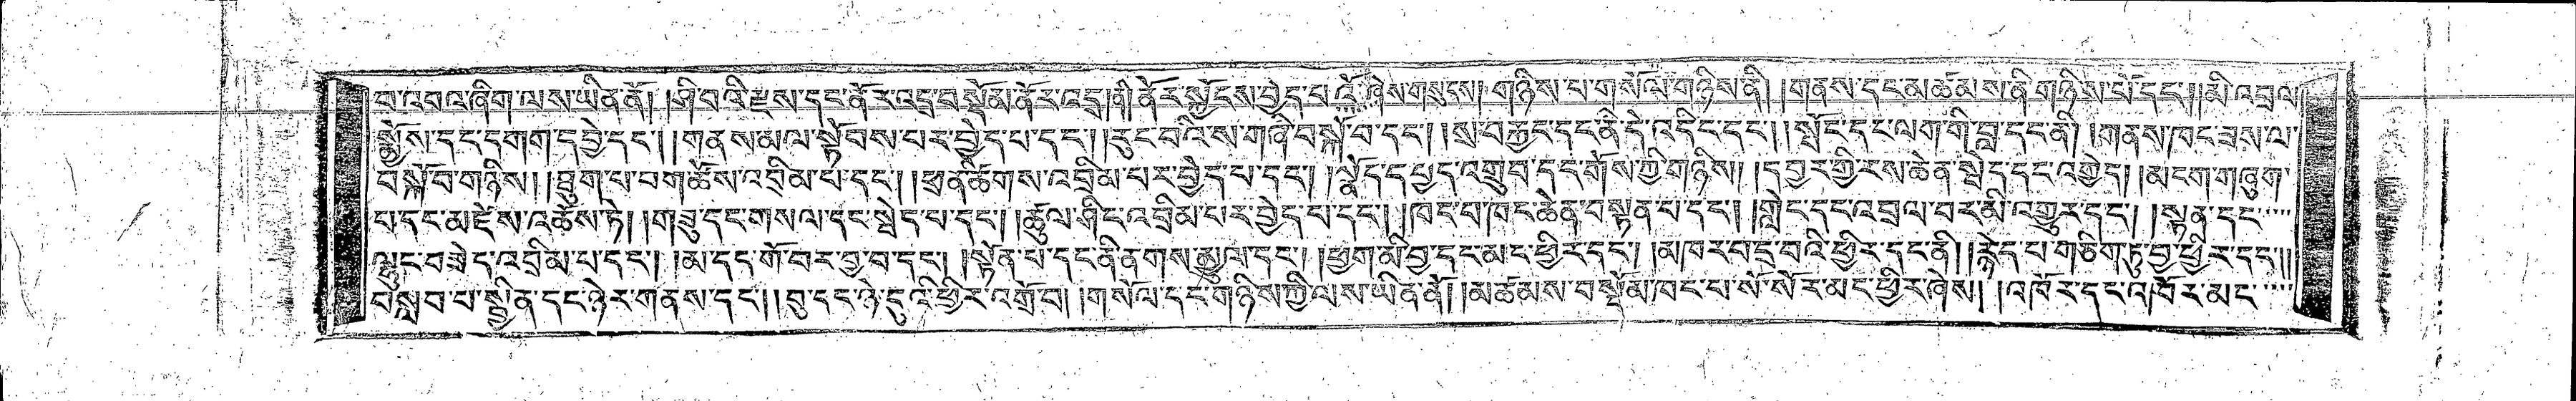?་འབའ་ཞི་?་ཡིན་ནོ། །ཤི་བའི་རྫས་དང་ནོར་འདྲ་བསྡོམ་ནོར་འདྲ། ནི་།ནོར་སྐྱོངས་བྱེད་པའོ་ཞེས་གསུངས། གཉིས་པ་གསོལ་གཉིས་ནི། །གནས་དང་མཚམས་ནི་གཉིས་པོ་དང་། །མི་འབྲལ་
སྨྱོས་དང་དགག་དབྱེ་དང་། །གནས་མལ་སྟོབས་པར་བྱེད་པ་དང་། །རུང་བའི་ས་གཞི་བསྐོ་བ་དང་། །སྲ་བརྐྱང་དང་ནི་དེ་འདིང་དང་། །སྤོང་དང་ལག་གི་བླ་དང་ནི། །གནས་ཁང་ཟས་ལ་
བསྐོ་བ་གཉིས། །ཐུག་པ་བག་ཚོས་འབྲིམ་པ་དང་། །ཕྲན་ཚིགས་འབྲིམ་པར་བྱེད་པ་དང་། །སྣོད་དཔྱད་འགྲུབ་དང་གོས་ཀྱི་གཉིས། །དབྱར་གྱི་རས་ཆེན་སྦེད་དང་འགྱེད། །མངག་གཞུག་
པ་དང་མཛེས་འཆོས་ཏེ། །གཟུ་དང་གསལ་དང་སྦེད་པ་དང་། །ཚུལ་ཤིང་འབྲིམ་པར་བྱེད་པ་དང་། །ཁང་པ་ཁང་ཆེན་བསྟན་པ་དང་། །གླེང་དང་འབྲལ་བར་མི་འགྱུར་དང་། །སྟན་དང་
ལྷུང་བཟེད་འབྲིམ་པ་དང་། །མ་དད་གོ་བར་བྱ་བ་དང་། །སྟོན་པ་དང་ནི་ནགས་མྱུལ་དང་། །ཕྱག་མི་བྱ་དང་མང་ཕྱིར་དང་། །མཁར་བ་དྲ་བའི་ཕྱིར་དང་ནི། །རྙེད་པ་གཅིག་ཏུ་བྱ་ཕྱིར་དང་། །
བསླབ་པ་སྦྱིན་དང་ཉེར་གནས་དང་། །བུ་དང་ཉེ་དུའི་ཕྱིར་འགྲོ་བ། །གསོལ་དང་གཉིས་ཀྱི་ལས་ཡིན་ནོ། །མཚམས་བསྡོམ་ཁང་པ་སོ་སོར་མང་ཕྱིར་ཞེས། །འཁོར་དང་འཁོར་མང་